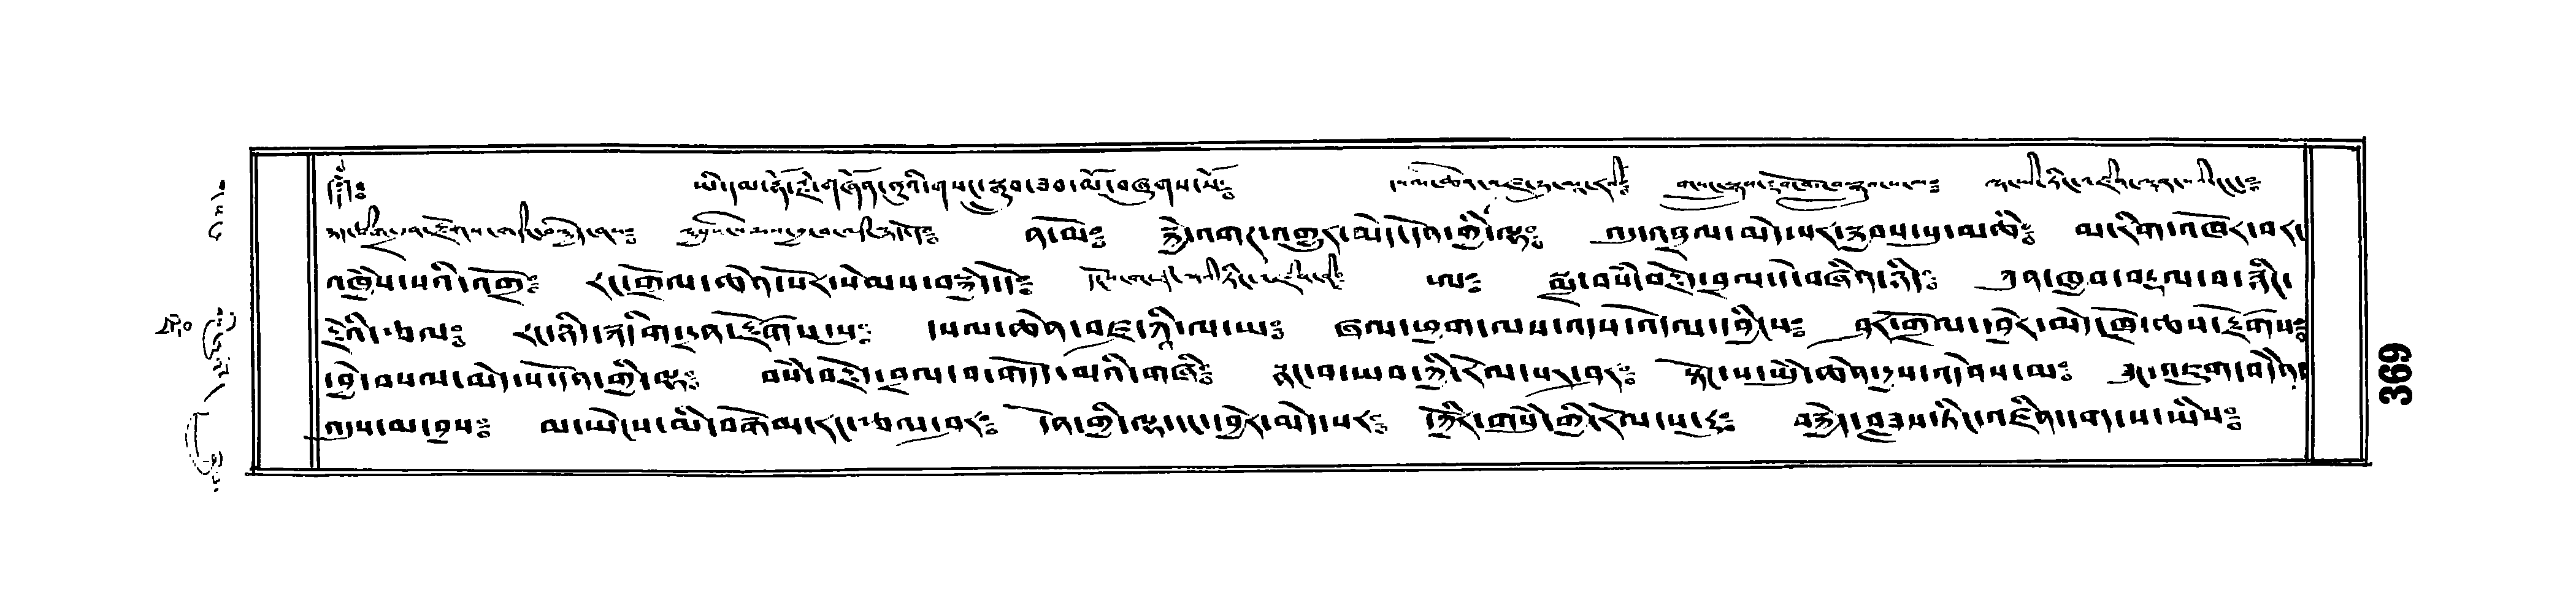ཡི་དམ་རྡོ་རྗེ་གཞོན་ནུའི་གསང་སྒྲུབ་ཟབ་མོ་བཞུགས་སོ༔ དཔལ་ཆེན་བཛྲ་ཀུ་མཱ་རའི༔ གསང་སྒྲུབ་ཟབ་མོ་བསྒྲུབ་པ་ལ༔ ལྷ་ཡི་ཏིང་འཛིན་ལྡན་པའི་ངང༔ 
སྐད་ཅིག་དྲན་རྫོགས་གདིང་བསྐྱེད་ནས༔ སྐྱབས་སེམས་བྱ་བ་འདི་སྐད་དོ༔ ན་མོ༔ སྐྱེ་འགག་འགྱུར་མེད་དོན་གྱི་ལྷ༔ འདུ་འབྲལ་མེད་པར་སྐྱབས་སུ་མཆི༔ མ་རིག་འཁོར་བར་
འཁྱམས་པའི་འགྲོ༔ རང་གྲོལ་ཆེན་པོར་སེམས་བསྐྱེད་དོ༔ དངོས་གཞི་ལྷའི་ཏིང་འཛིན་ནི༔ ཨཱཿ སྨྲ་བསམ་བརྗོད་བྲལ་དེ་བཞིན་ཉིད༔ ཀུན་ཁྱབ་བརྡལ་བ་སྙིང་
རྗེའི་རྩལ༔ རང་ཉིད་སྐད་ཅིག་དྲན་རྫོགས་སུ༔ དཔལ་ཆེན་བཛྲ་ཀཱི་ལ་ཡ༔ ཞལ་ཕྱག་ལས་འདས་འོད་གསལ་དབྱིངས༔ ཤར་གྲོལ་དབྱེར་མེད་ཁྲོ་ཆས་རྫོགས༔ 
དབྱེ་བསལ་མེད་པ་དོན་གྱི་ལྷ༔ བསམ་བརྗོད་བྲལ་བ་གདོད་མའི་གཞི༔ སྣང་བ་ཡབ་ཀྱི་རོལ་པར་ཤར༔ སྟོང་པ་ཡུམ་ཆེན་རྒྱས་འདེབས་མ༔ ཟུང་འཇུག་བདེ་ཆེན་
འདུས་མ་བྱས༔ མ་ཡེངས་མི་བསྒོམ་རང་རྩལ་ཤར༔ དོན་གྱི་ལྷ་དང་དབྱེར་མེད་པར༔ དཀྱིལ་འཁོར་གསུམ་གྱི་རོལ་པ་རུ༔ བསྐྱེད་བཟླས་ཏིང་འཛིན་དག་པ་ཡིས༔